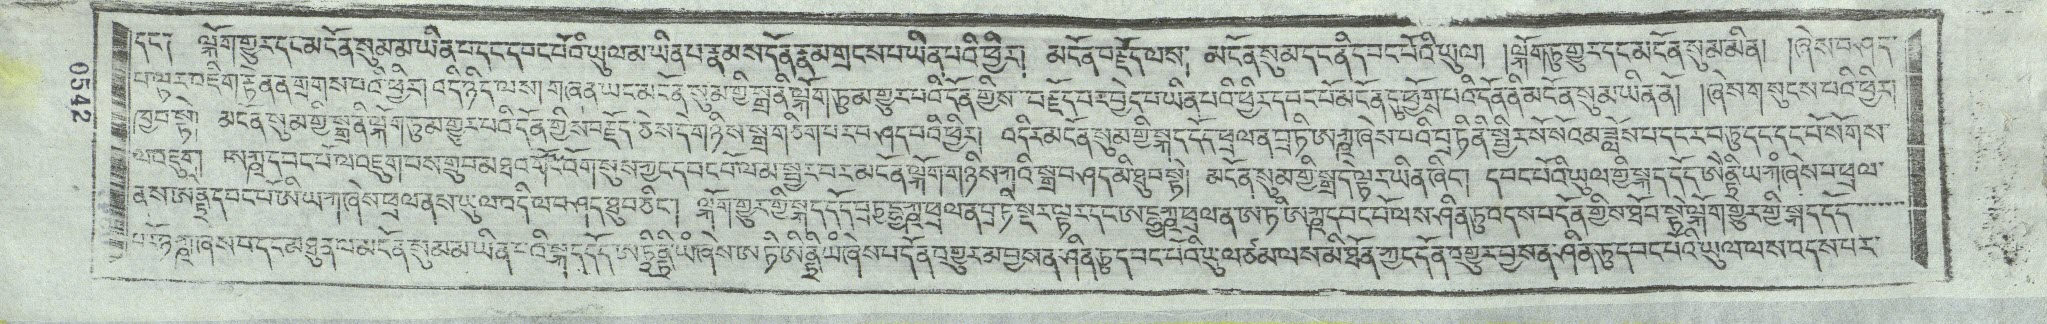དང༑ ལྐོག་གྱུར་དང་མངོན་སུམ་མ་ཡིན་པ་དང་དབང་པོའི་ཡུལ་མ་ཡིན་པ་རྣམས་དོན་རྣམ་གྲངས་པ་ཡིན་པའི་ཕྱིར། མངོན་བརྗོད་ལས། མངོན་སུམ་དང་ནི་དབང་པོའི་ཡུལ། །ལྐོག་ཏུ་གྱུར་དང་མངོན་སུམ་མིན། །ཞེས་བཤད་
པ་ལྟར་འཇིག་རྟེན་ན་གྲགས་པའི་ཕྱིར། འདི་ཉིད་ལས། གཞན་ཡང་མངོན་སུམ་གྱི་སྒྲ་ནི་ལྐོག་ཏུ་མ་གྱུར་པའི་དོན་གྱིས་བརྗོད་པར་བྱེད་པ་ཡིན་པའི་ཕྱིར་དབང་པོ་མངོན་དུ་ཕྱོགས་པའི་དོན་ནི་མངོན་སུམ་ཡིན་ནོ། །ཞེས་གསུངས་པའི་ཕྱིར།
ཁྱབ་སྟེ། མངོན་སུམ་གྱི་སྒྲ་ནི་ལྐོག་ཏུ་མ་གྱུར་པའི་དོན་གྱིས་བརྗོད་ཅེས་དེ་གཉིས་སྒྲ་གཅིག་པར་བཤད་པའི་ཕྱིར། འདིར་མངོན་སུམ་གྱི་སྐད་དོད་ཕྲལ་ན་པྲ་ཏི་ཨཀྵ་ཞེས་པའི་པྲ་ཏི་ནི་སྤྱིར་སོ་སོའམ་ཟློས་པ་དང་རབ་ཏུ་དང་དང་པོ་སོགས་
ལ་འཇུག། ཨཀྵ་དབང་པོ་ལ་འཇུག་པས་གྲུབ་མཐའ་གོང་འོག་སུས་ཀྱང་དབང་པོ་ལ་མ་སྦྱར་བར་མངོན་ལྐོག་གཉིས་ཀའི་སྒྲ་བཤད་མི་ཐུབ་སྟེ། མངོན་སུམ་གྱི་སྒྲ་དེ་ལྟར་ཡིན་ཞིང་། དབང་པོའི་ཡུལ་གྱི་སྐད་དོད་ཨཻནྟྲི་ཡ་ཀཾ་ཞེས་པ་ཕྲལ་
ནས་ཨིནྟྲ་དབང་པོ་ཨི་ལ་ཀ་ཞེས་ཕྲལ་ནས་ཡུལ་འདི་ལ་བཤད་ཐུབ་ཅིང་། ལྐོག་གྱུར་གྱི་སྐད་དོད་པྲཏྱ་དྷྱ་ཀྵ་ཕྲལ་ན་པྲ་ཏི་སྔར་ལྟར་དང་ཨདྷྱཀྵ་ཕྲལ་ན་ཨ་ཏི་ཨཀྵ་དབང་པོ་ལས་ཤིན་ཏུ་འདས་བ་དོན་གྱིས་ཐོབ་སྟེ་ལྐོག་གྱུར་གྱི་སྐད་དོད་
པ་རོ་ཉཀྵ་ཞེས་པ་དང་མཐུན་ལ་མངོན་སུམ་མ་ཡིན་པའི་སྐད་དོད་ཨ་ཏཱིནྟྲི་ཡཾ་ཞེས་ཨ་ཏི་ཨིནྟྲི་ཡཾ་ཞེས་པ་དོན་འགྱུར་མ་བྱས་ན་ཤིན་ཏུ་དབང་པོའི་ཡུལ་ཙམ་ལས་མི་ཐོན་ཀྱང་དོན་འགྱུར་བྱས་ན་ཤིན་ཏུ་དབང་པོའི་ཡུལ་ལས་འདས་བར་